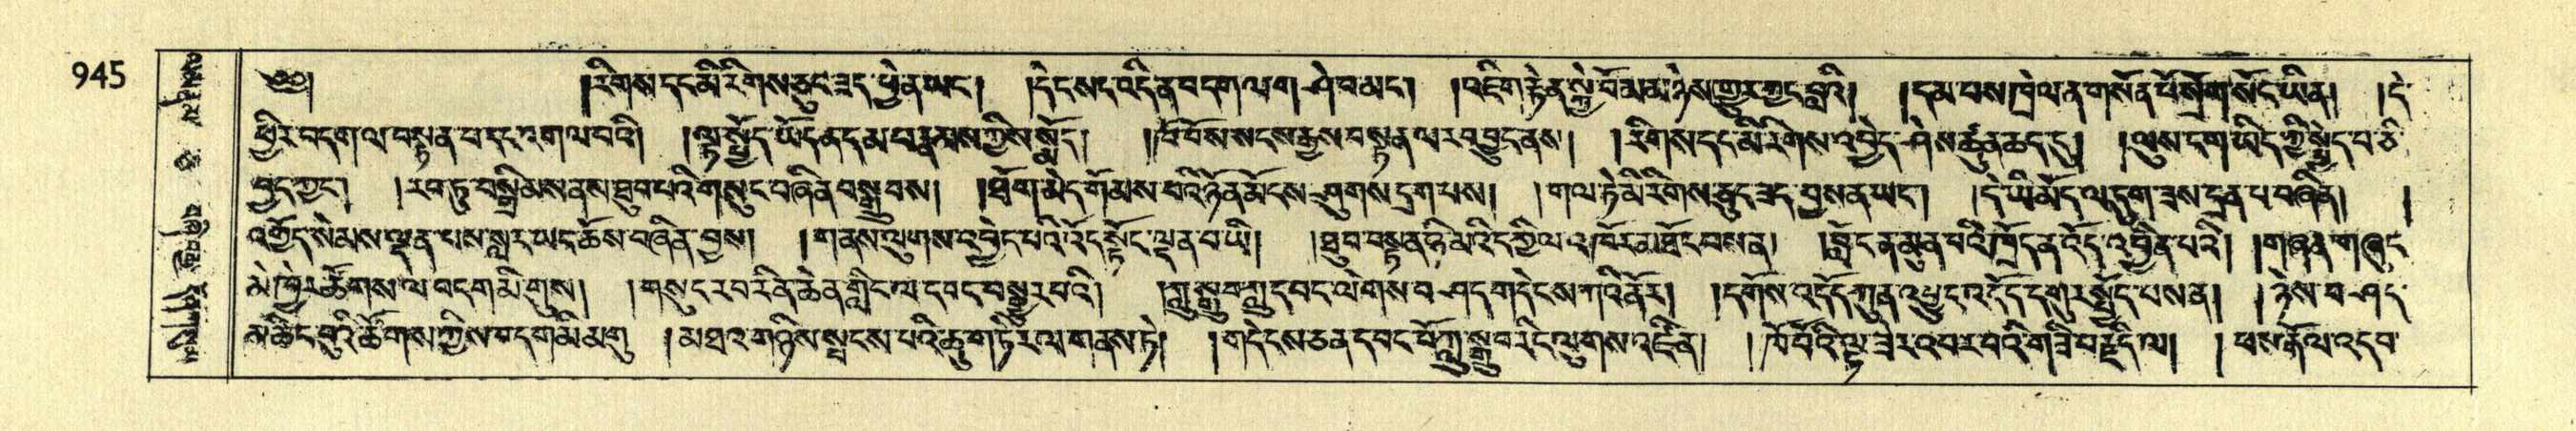༄༅། །རིགས་དང་མི་རིགས་ཅུང་ཟད་ཕྱི་ན་ཡང་། །དེང་སང་འདི་ན་བདག་ལ་གཤེ་བ་མང་། །འཇིག་རྟེན་སྐྱེ་བོ་མ་མཉེས་གྱུར་ཀྱང་བླའི། །དམ་པས་ཁྲེལ་ན་གསོན་པོ་སྲོག་སོང་ཡིན། །དེ་
ཕྱིར་བདག་ལ་བསྟན་པ་དང་འགལ་བའི། །ལྟ་སྤྱོད་ཡོད་ན་དམ་པ་རྣམས་ཀྱིས་སྨོད། །ཁོ་བོས་སངས་རྒྱས་བསྟན་ལ་རབ་བྱུང་ནས། །རིགས་དང་མི་རིགས་འབྱེད་ཤེས་ཚུན་ཆད་དུ། །ལུས་ངག་ཡིད་ཀྱི་སྤྱེད་པ་ཅི་
བྱད་ཀྱང་། །རབ་ཏུ་བསྒྲིམས་ནས་ཐུབ་པའི་གསུང་བཞིན་བསྒྲུབས། །ཐོག་མེད་གོམས་བའི་ཉོན་མོངས་ཤུགས་དྲག་པས། །གལ་ཏེ་མི་རིགས་ཅུང་ཟད་བྱས་ན་ཡང་། །དེ་ཡི་མོད་ལ་དུག་ཟས་དྲན་པ་བཞིན། །
འགྱོད་སེམས་ལྡན་པས་སླར་ཡང་ཆོས་བཞིན་བྱས། །གནས་ལུགས་འབྱེད་པའི་འོད་སྟོང་ལྡན་པ་ཡི། །ཐུབ་བསྟན་ཉི་མའི་དཀྱིལ་འཁོར་མཐོང་བས་ན། །བློ་ངན་མུན་པའི་ཁྲོད་ན་འོད་འབྱིན་པའི། །གཞན་གཞུང་
མེ་ཁྱེར་ཚོགས་ལ་བདག་མི་གུས། །གསུང་རབ་རིན་ཆེན་གླིང་ལ་དབང་བསྒྱུར་པའི། །ཀླུ་སྒྲུབ་ཀླུ་དབང་ལེགས་བཤད་གདེངས་ཀའི་ནོར། །དགོས་འདོད་ཀུན་འབྱུང་འདོད་དགུར་སྤྱོད་པས་ན། །ཉེས་བཤད་
མཆིང་བུའི་ཚོགས་ཀྱིས་བདག་མི་མགུ །མཐའ་གཉིས་སྤངས་པའི་ཆུ་གཏེར་ལ་གནས་ཏེ། །གདེངས་ཅན་དབང་པོ་ཀླུ་སྒྲུབ་རིང་ལུགས་འཛིན། །ཁོ་བོའི་ལྟ་ཟེར་འབར་བའི་གཟི་བརྗིད་ལ། །ཕས་རྒོལ་འདབ་